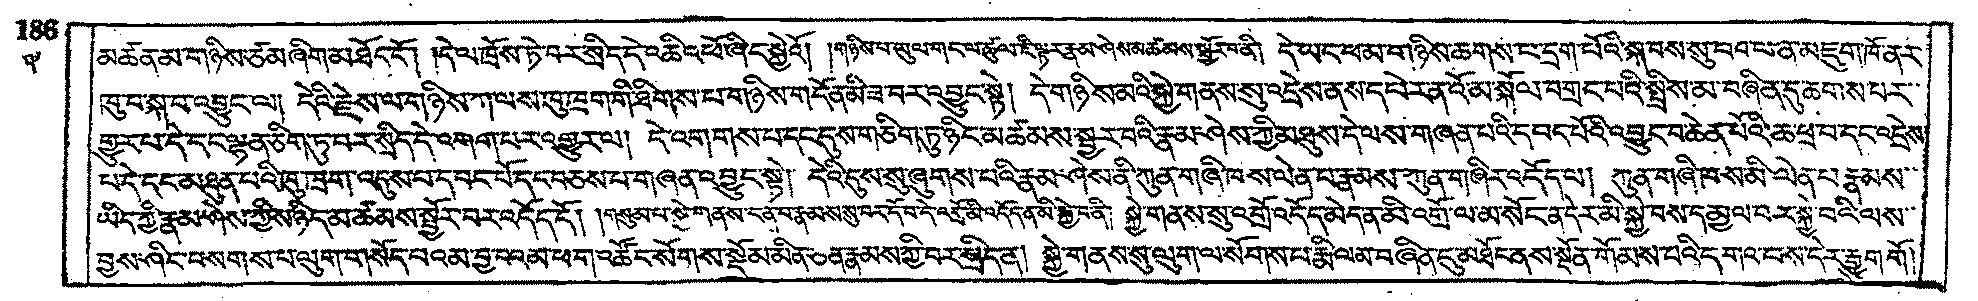མཚན་མ་གཉིས་ཙམ་ཞིག་མཐོང་ངོ། །དེ་ལ་ཁྲོས་ཏེ་བར་སྲིད་དེ་འཆི་འཕོ་ཞིང་སྐྱེའོ། །གཉིས་པ་ཡུལ་གང་ལ་ཚུལ་ཇི་ལྟར་རྣམ་ཤེས་མཚམས་སྦྱོར་བ་ནི།  དེ་ཡང་ཕ་མ་གཉིས་ཆགས་པ་དྲག་པོའི་སྐབས་སུ་བབ་པ་ན་མཇུག་ཁོ་ནར་
ཁུ་བ་སྐ་བ་འབྱུང་ལ། དེའི་རྗེས་ལ་གཉིས་ཀ་ལས་ཁུ་ཁྲག་གི་ཐིགས་པ་གཉིས་གདོན་མི་ཟ་བར་འབྱུང་སྟེ། དེ་གཉིས་མའི་སྐྱེ་གནས་སུ་འདྲེས་ནས་དཔེར་ན་འོ་མ་སྐོལ་བ་གྲང་བའི་སྤྲིས་མ་བཞིན་དུ་ཆགས་པར་
གྱུར་པ་དེ་དང་ལྷན་ཅིག་ཏུ་བར་སྲིད་དེ་འགག་པར་འགྱུར་ལ། དེ་འགགས་པ་དང་དུས་གཅིག་ཏུ་ཉིང་མཚམས་སྦྱར་བའི་རྣམ་ཤེས་ཀྱི་མཐུས་དེ་ལས་གཞན་པའི་དབང་པོའི་འབྱུང་བ་ཆེན་པོའི་ཆ་ཕྲ་བ་དང་འདྲེས་
པ་དེ་དང་མཐུན་པའི་ཁུ་ཁྲག་འདུས་པ་དབང་པོ་དང་བཅས་པ་གཞན་འབྱུང་སྟེ། དེའི་དུས་སུ་ཞུགས་པའི་རྣམ་ཤེས་ནི་ཀུན་གཞི་ཁས་ལེན་པ་རྣམས་ཀུན་གཞིར་འདོད་ལ། ཀུན་གཞི་ཁས་མི་ལེན་པ་རྣམས་
ཡིད་ཀྱི་རྣམ་ཤེས་ཀྱིས་ཉིད་མཚམས་སྤྱོར་བར་འདོད་དོ། །གསུམ་པ་སྐྱེ་གནས་ངན་པ་རྣམས་སུ་བར་དོ་བ་དེ་འགྲོ་མི་འདོད་ན་མི་སྐྱེ་བ་ནི།  སྐྱེ་གནས་སུ་འགྲོ་འདོད་མེད་ན་མི་འགྲོ་ལ་མ་སོང་ན་དེར་མི་སྐྱེ་བས་དམྱལ་བར་སྐྱེ་བའི་ལས་
བྱས་ཤིང་བསགས་པ་ལུག་གསོད་པའམ་བྱ་བའམ་ཕག་འཚོང་སོགས་སྡོམ་མིན་ཅན་རྣམས་ཀྱི་བར་སྲིད་ན། སྐྱེ་གནས་སུ་ལུག་ལ་སོགས་པ་རྨི་ལམ་བཞིན་དུ་མཐོང་ནས་སྔོན་གོམས་པའི་དགའ་བས་དེར་རྒྱུག་གོ།